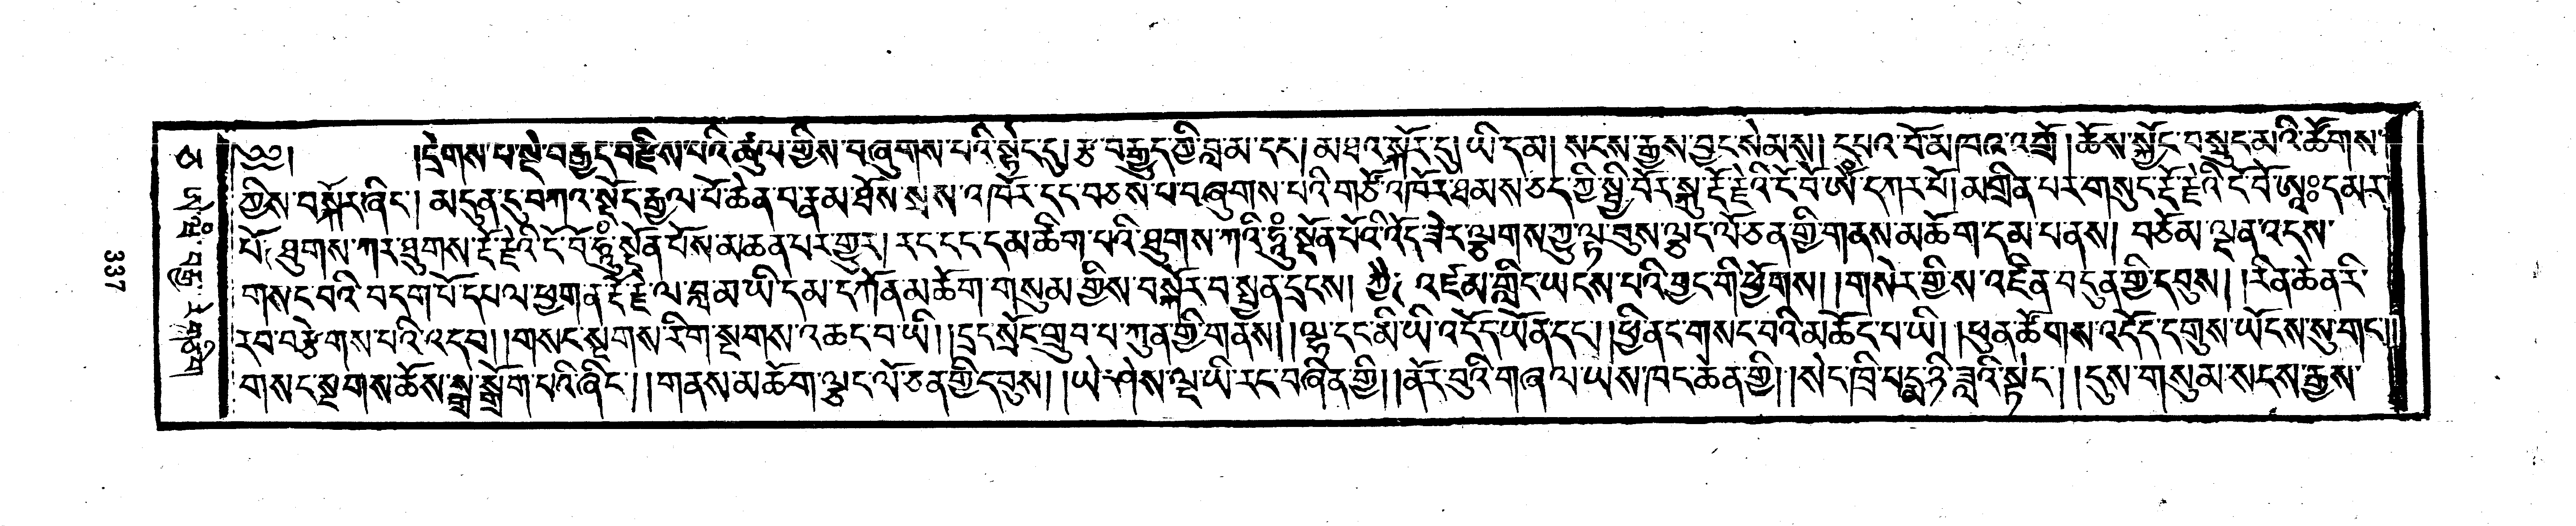༄༅། །དྲེགས་པ་སྡེ་བརྒྱད་བརྫིས་པའི་ཚུལ་གྱིས་བཞུགས་པའི་སྟེང་དུ། རྩ་བརྒྱུད་ཀྱི་བླ་མ་དང་། མཐའ་སྐོར་དུ། ཡི་དམ། སངས་རྒྱས་བྱང་སེམས། དཔའ་བོ་མཁའ་འགྲོ་།ཆོས་སྐྱོང་བསྲུང་མའི་ཚོགས་
ཀྱིས་བསྐོར་ཞིང་། མདུན་དུ་བཀའ་སྡོད་རྒྱལ་པོ་ཆེན་པོ་རྣམ་ཐོས་སྲས་འཁོར་དང་བཅས་པ་བཞུགས་པའི་གཙོ་འཁོར་ཐམས་ཅད་ཀྱི་སྤྱི་བོར་སྐུ་རྡོ་རྗེའི་ངོ་བོ་ཨོཾ་དཀར་པོ། མགྲིན་པར་གསུང་རྡོ་རྗེའི་ངོ་བོ་ཨཱཿ དམར་
པོ། ཐུགས་ཀར་ཐུགས་རྡོ་རྗེའི་ངོ་བོ་ཧཱུཾ་སྔོན་པོས་མཚན་པར་གྱུར། རང་དང་དམ་ཚིག་པའི་ཐུགས་ཀའི་ཧཱུཾ་སྔོན་པོའི་འོད་ཟེར་ལྕགས་ཀྱུ་ལྟ་པུས་ལྕང་ལོ་ཅན་གྱི་གནས་མཆོག་དམ་པ་ནས། བཅོམ་ལྡན་འདས་
གསང་བའི་བདག་པོ་དཔལ་ཕྱག་ན་རྡོ་རྗེ་ལ་བླ་མ་ཡི་དམ་དཀོན་མཆོག་གསུམ་གྱིས་བསྐོར་བ་སྤྱན་དྲངས། ཀྱཻ། འཛམ་གླིང་ཡངས་པའི་བྱང་གི་ཕྱོགས། །གསེར་གྱི་ས་འཛིན་བདུན་གྱི་དབུས། །རིན་ཆེན་རི་
རབ་བརྩེགས་པའི་འདབ། །གསང་སྔགས་རིག་སྔགས་འཆང་བ་ཡི། །དྲང་སྲོང་གྲུབ་པ་ཀུན་གྱི་གནས། །ལྷ་དང་མི་ཡི་འདོད་ཡོན་དང་། །ཕྱི་ནང་གསང་བའི་མཆོད་པ་ཡི། །ཕུན་ཚོགས་འདོད་དགུས་ཡོངས་སུ་གང།།
གསང་སྔགས་ཆོས་སྒྲ་སྒྲོག་པའི་ཞིང་། །གནས་མཆོག་ལྕང་ལོ་ཅན་གྱི་དབུས། །ཡེ་ཤེས་ལྔ་ཡི་རང་བཞིན་གྱི། །ནོར་བུའི་གཞལ་ཡས་ཁང་ཆེན་གྱི། །སེང་ཁྲི་པདམ་ཉི་ཟླའི་སྟེང་། །དུས་གསུམ་སངས་རྒྱས་